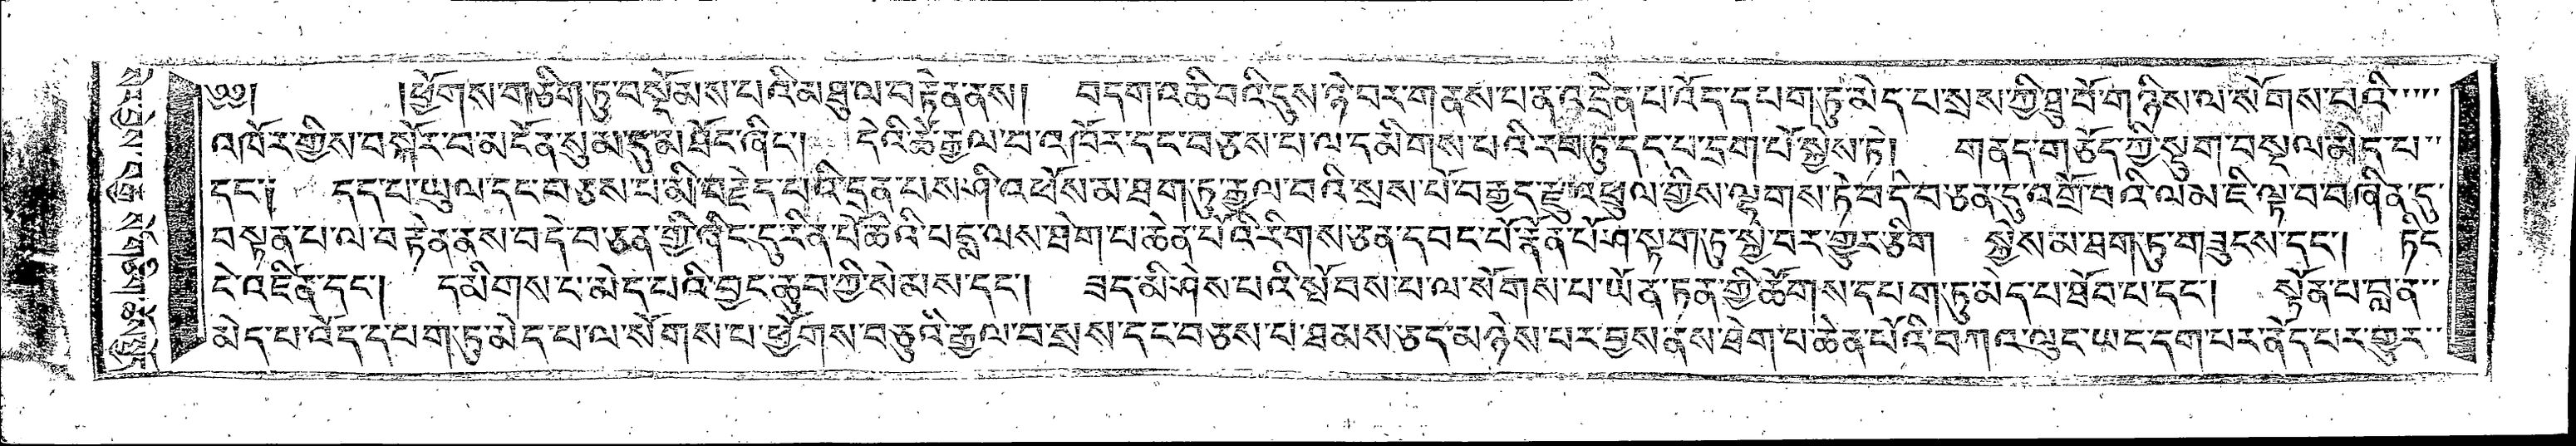༄༅། །ཕྱོགས་གཅིག་ཏུ་བསྡོམས་པའི་མཐུ་ལ་བརྟེན་ནས། བདག་འཆི་བའི་དུས་ཉེ་བར་གནས་པ་ན་འདྲེན་པ་འོད་དཔག་ཏུ་མེད་པ་སྲས་ཀྱི་ཐུ་བོ་གཉིས་ལ་སོགས་པའི་
འཁོར་གྱིས་བསྐོར་བ་མངོན་སུམ་དུ་མཐོང་ཞིང་། དེའི་ཚེ་རྒྱལ་བ་འཁོར་དང་བཅས་པ་ལ་དམིགས་པའི་རབ་ཏུ་དད་པ་དྲག་པོ་སྐྱེས་ཏེ། གནད་གཅོད་ཀྱི་སྡུག་བསྔལ་མེད་པ་
དང་། དད་པ་ཡུལ་དང་བཅས་པ་མི་བརྗེད་པའི་དྲན་པས་ཤི་འཕོས་མ་ཐག་ཏུ་རྒྱལ་བའི་སྲས་པོ་བརྒྱད་རྫུ་འཕྲུལ་གྱིས་ལྷགས་ཏེ་བདེ་བ་ཅན་དུ་འགྲོ་བའི་ལམ་ཇི་ལྟ་བ་བཞིན་དུ་
བསྟན་པ་ལ་བརྟེན་ནས་བདེ་བ་ཅན་གྱི་ཞིང་དུ་རིན་པོ་ཆེའི་པདམ་ལས་ཐེག་པ་ཆེན་པོའི་རིགས་ཅན་དབང་པོ་རྣོན་པོ་ཤ་སྟག་ཏུ་སྐྱེ་བར་གྱུར་ཅིག །སྐྱེས་མ་ཐག་ཏུ་གཟུངས་དང་། ཏིང་
ངེ་འཛིན་དང་། དམིགས་པ་མེད་པའི་བྱང་ཆུབ་ཀྱི་སེམས་དང་། ཟད་མི་ཤེས་པའི་སྤོབས་པ་ལ་སོགས་པ་ཡོན་ཏན་གྱི་ཚོགས་དཔག་ཏུ་མེད་པ་ཐོབ་པ་དང་། སྟོན་པ་བླ་ན་
མེད་པ་འོད་དཔག་ཏུ་མེད་པ་ལ་སོགས་པ་ཕྱོགས་བཅུའི་རྒྱལ་བ་སྲས་དང་བཅས་པ་ཐམས་ཅད་མཉེས་པར་བྱས་ནས་ཐེག་པ་ཆེན་པོའི་བཀའ་ལུང་ཡང་དག་པར་ནོད་པར་གྱུར་